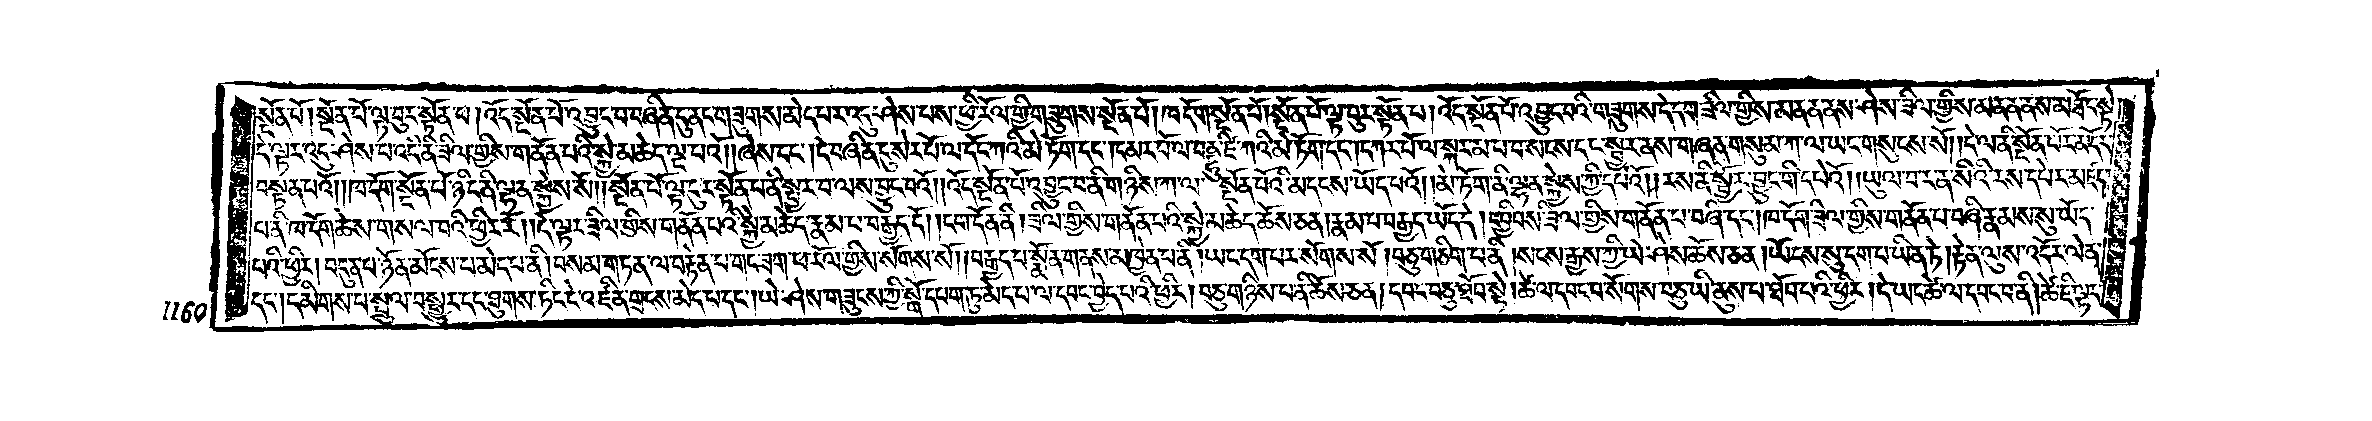སྔོན་པོ། སྔོན་པོ་ལྟ་བུར་སྟོན་པ། འོད་སྔོན་པོ་འབྱུང་བ་བཞིན་དུ་ནང་གཟུགས་མེད་པར་འདུ་ཤེས་པས་ཕྱི་རོལ་གྱི་གཟུགས་སྔོན་པོ། ཁ་དོག་སྔོན་པོ། སྔོན་པོ་ལྟ་བུར་སྟོན་པ། འོད་སྔོན་པོ་འབྱུང་བའི་གཟུགས་དེ་དག་ཟིལ་གྱིས་མནན་ནས་ཤེས་ཟིལ་གྱིས་མནན་ནས་མཐོང་སྟེ་
དེ་ལྟར་འདུ་ཤེས་པ་འདི་ནི་ཟིལ་གྱིས་གནོན་པའི་སྐྱེ་མཆེད་ལྔ་པའོ། །ཞེས་དང་། དེ་བཞིན་དུ་སེར་པོ་ལ་དོང་ཀའི་མེ་ཏོག་དང་། དམར་པོ་ལ་བནྡྷུ་ཛི་ཀའི་མེ་ཏོག་དང་། དཀར་པོ་ལ་སྐར་མ་པ་བ་སངས་དང་སྦྱར་ནས་གཞན་གསུམ་ཀ་ལ་ཡང་གསུངས་སོ། །དེ་ལ་ནི་སྔོན་པོར་མདོར་
བསྟན་པའོ། །ཁ་དོག་སྔོན་པོ་ཉིད་ནི་ལྷན་སྐྱེས་སོ། །སྔོན་པོ་ལྟ་བུར་སྟོན་པ་ནི་སྦྱར་བ་ལས་བྱུང་བའོ། །འོད་སྔོན་པོ་འབྱུང་བ་ནི་གཉིས་ཀ་ལ་སྔོན་པོའི་མདངས་ཡོད་པའོ། །མེ་ཏོག་ནི་ལྷན་སྐྱེས་ཀྱི་དཔེའོ། །རས་ནི་སྦྱོར་བྱུང་གི་དཔེའོ། །ཡུལ་བ་ར་ན་སིའི་རས་དཔེར་མཛད་
པ་ནི་ཁ་དོག་ཆེས་གསལ་བའི་ཕྱིར་རོ། །དེ་ལྟར་ཟིལ་གྱིས་གནོན་པའི་སྐྱེ་མཆེད་རྣམ་པ་བརྒྱད་དོ། །ངག་དོན་ནི། ཟིལ་གྱིས་གནོན་པའི་སྐྱེ་མཆེད་ཆོས་ཅན། རྣམ་པ་བརྒྱད་ཡོད་དེ། དབྱིབས་ཟིལ་གྱིས་གནོན་པ་བཞི་དང་། ཁ་དོག་ཟིལ་གྱིས་གནོན་པ་བཞི་རྣམས་སུ་ཡོད་
པའི་ཕྱིར། བདུན་པ་ཉོན་མོངས་པ་མེད་པ་ནི། བསམ་གཏན་ལ་བརྟེན་པ་གང་ཟག་ཕ་རོལ་གྱིས་སོགས་སོ། །བརྒྱད་པ་སྨོན་གནས་མཁྱེན་པ་ནི། ཡང་དག་པར་སོགས་སོ། བཅུ་གཅིག་པ་ནི། སངས་རྒྱས་ཀྱི་ཡེ་ཤེས་ཆོས་ཅན། ཡོངས་སུ་དག་པ་ཡིན་ཏེ། རྟེན་ལུས་འདོར་ལེན་
དང་། དམིགས་པ་སྤྲུལ་བསྒྱུར་དང་ཐུགས་ཏིང་ངེ་འཛིན་གྲངས་མེད་པ་དང་། ཡེ་ཤེས་གཟུངས་ཀྱི་སྒོ་དཔག་ཏུ་མེད་པ་ལ་དབང་བྱེད་པའི་ཕྱིར། བཅུ་གཉིས་པ་ནི་ཆོས་ཅན། དབང་བཅུ་ཐོབ་སྟེ། ཚེ་ལ་དབང་བ་སོགས་བཅུ་ཡི་ནུས་པ་ཐོབ་པའི་ཕྱིར། དེ་ཡང་ཚེ་ལ་དབང་བ་ནི། ཚེ་ཇི་ལྟར་